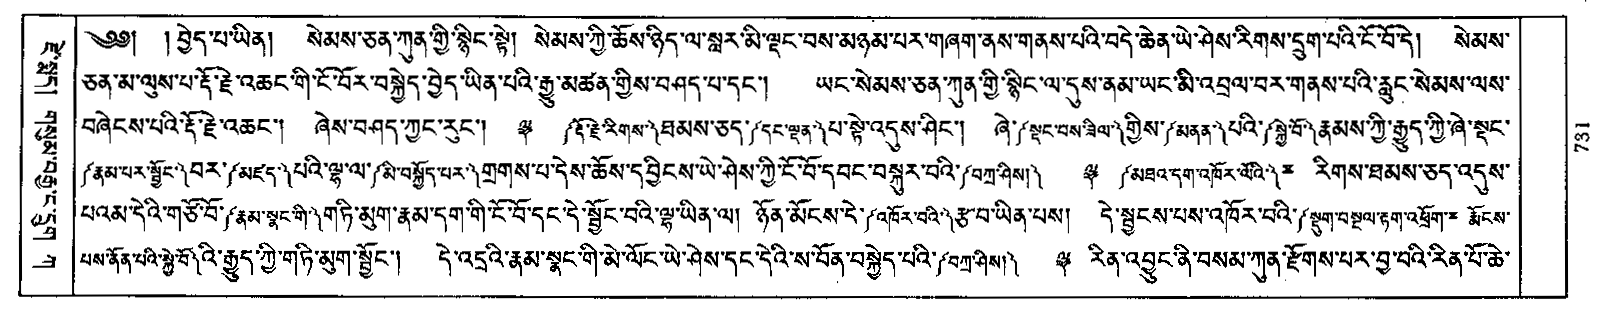༄༅། །བྱེད་པ་ཡིན། སེམས་ཅན་ཀུན་གྱི་སྙིང་སྟེ། སེམས་ཀྱི་ཆོས་ཉིད་ལ་སླར་མི་ལྡང་བས་མཉམ་པར་གཞག་ནས་གནས་པའི་བདེ་ཆེན་ཡེ་ཤེས་རིགས་དྲུག་པའི་ངོ་བོ་དེ། སེམས་
ཅན་མ་ལུས་པ་རྡོ་རྗེ་འཆང་གི་ངོ་བོར་བསྐྱེད་བྱེད་ཡིན་པའི་རྒྱུ་མཚན་གྱིས་བཤད་པ་དང་། ཡང་སེམས་ཅན་ཀུན་གྱི་སྙིང་ལ་དུས་ནམ་ཡང་མི་འབྲལ་བར་གནས་པའི་རླུང་སེམས་ལས་
བཞེངས་པའི་རྡོ་རྗེ་འཆང་། ཞེས་བཤད་ཀྱང་རུང་། ༈ ༼རྡོ་རྗེ་རིགས྄་ཐམས་ཅད་༽དང་ལྡན྄་པ་སྟེ་འདུས་ཤིང་། ཞེ ༼སྡང་བས་ཟིལ྄་གྱིས་༽མནན྄་པའི་སྐྱེ་བ྄ོ་རྣམས་ཀྱི་རྒྱུད་ཀྱི་ཞེ་སྡང་
༼རྣམ་པར་སྤྱོང྄་བར་༽མཛད྄་པའི་ལྷ་ལ ༼མི་བསྐྱོད་པར྄་གྲགས་པ་དེས་ཆོས་དབྱིངས་ཡེ་ཤེས་ཀྱི་ངོ་བོ་དབང་བསྐུར་བའི་༽བཀྲ་ཤིས།?་༈ མཐའ་དག་འཁོར་ལོའ྄ི་྾་རིགས་ཐམས་ཅད་འདུས་
པའམ་དེའི་གཙོ་བོ ༼རྣམ་སྣང་ག྄ི་གཏི་མུག་རྣམ་དག་གི་ངོ་བོ་དང་དེ་སྤྱོང་བའི་ལྷ་ཡིན་ལ། ཉོན་མོངས་དེ་༽འཁོར་བའ྄ི་རྩ་བ་ཡིན་པས། དེ་སྦྱངས་པས་འཁོར་པའི་སྡུག་བསྔལ་རྟག་འཕྲོག་྾་རྨོངས་
པས་ནོན་པའི་སྐྱེ་བ྄ོ་འི་རྒྱུད་ཀྱི་གཏི་མུག་སྦྱོང་། དེ་འདྲའི་རྣམ་སྣང་གི་མེ་ལོང་ཡེ་ཤེས་དང་དེའི་ས་བོན་བསྐྱེད་པའི་བཀྲ་ཤིས།?་༈ རིན་འབྱུང་ནི་བསམ་ཀུན་རྫོགས་པར་བྱ་བའི་རིན་པོ་ཆེ་